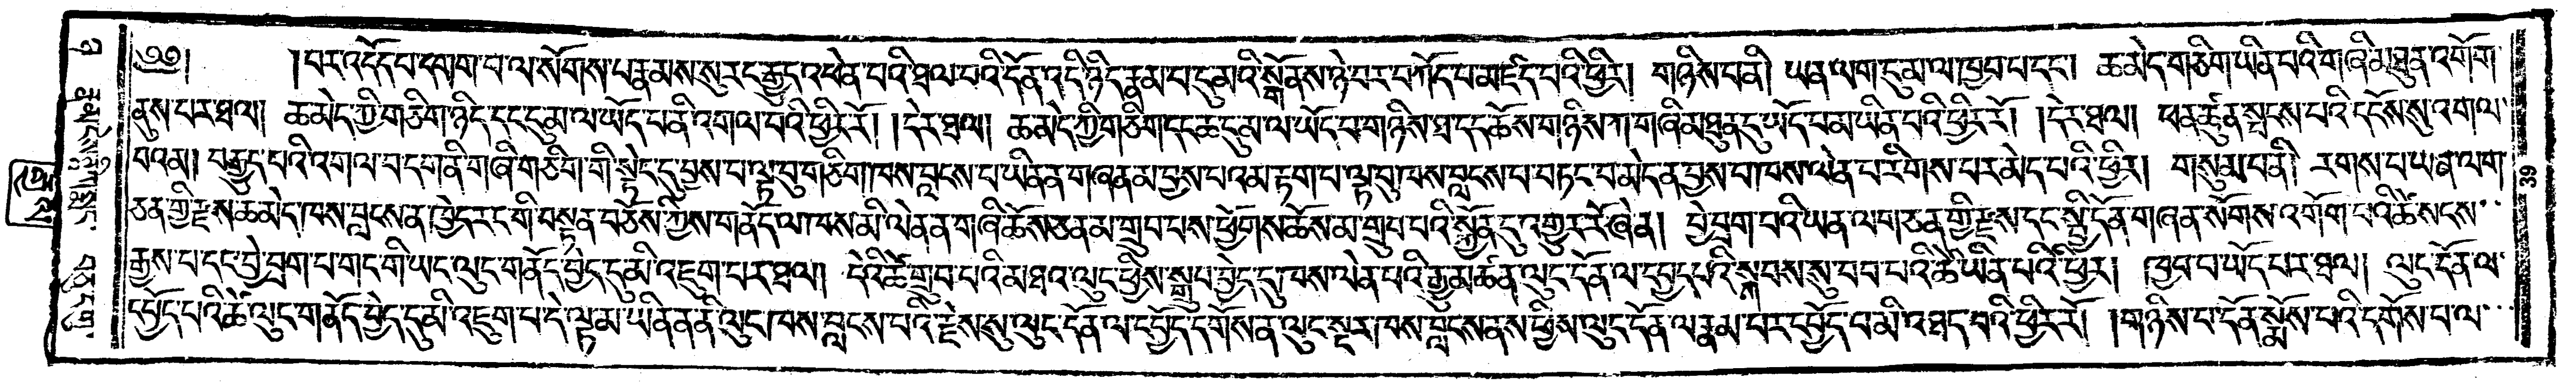༄༅། །བ་འདོད་པ་དགག་པ་ལ་སོགས་པ་རྣམས་སུ་རང་རྒྱུད་འཕེན་པའི་ཐལ་བའི་དོན་འདི་ཉིད་རྣམ་པ་དུ་མའི་སྒོ་ནས་ཉེ་བར་བཀོད་པ་མཛད་པའི་ཕྱིར། གཉིས་པ་ནི། ཡན་ལག་དུ་མ་ལ་ཁྱབ་པ་དང་། ཆ་མེད་གཅིག་ཡིན་པའི་གཞི་མཐུན་འགོག་
ནུས་པར་ཐལ། ཆ་མེད་ཀྱི་གཅིག་ཉིད་དང་དུ་མ་ལ་ཡོད་པ་ནི་འགལ་བའི་ཕྱིར་རོ། །དེར་ཐལ། ཆ་མེད་ཀྱི་གཅིག་དང་ཆ་དུ་མ་ལ་ཡོད་པ་གཉིས་ཐ་དད་ཆོས་གཉིས་ཀ་གཞི་མཐུན་དུ་ཡོད་པ་མ་ཡིན་པའི་ཕྱིར་རོ། །དེར་ཐལ། ཕན་ཚུན་སྤངས་པའི་དངོས་སུ་འགལ་
བའམ། བརྒྱུད་པའི་འགལ་བ་དག་ནི་གཞི་གཅིག་གི་སྟེང་དུ་བྱས་པ་ལྟ་བུ་གཅིག་ཁས་བླངས་པ་ཡིན་ན་གཞན་མ་བྱས་པའམ་རྟག་པ་ལྟ་བུ་ཁས་བླངས་པ་བཏང་བ་མེད་ན་བྱས་བ་ཁས་ལེན་པ་རིགས་པར་མེད་པའི་ཕྱིར། གསུམ་པ་ནི། རགས་པ་ཡན་ལག་
ཅན་གྱི་རྫས་ཆ་མེད་ཁས་བླངས་ན་ཁྱེད་རང་གི་བསྟན་བཅོས་ཀྱིས་གནོད་ལ་ཁས་མི་ལེན་ན་གཞི་ཆོས་ཅན་མ་གྲུབ་པས་ཕྱོགས་ཆོས་མ་གྲུབ་པའི་སྐྱོན་དུ་འགྱུར་རོ་ཞེ་ན། བྱེ་བྲག་པའི་ཡན་ལག་ཅན་གྱི་རྫས་དང་སྦྱི་དོན་གཞན་སོགས་འགོག་པའི་ཚེ་སངས་
རྒྱས་པ་དང་བྱེ་བྲག་པ་གང་གི་ཡང་ལུང་གནོད་བྱེད་དུ་མི་འཇུག་པར་ཐལ། དེའི་ཚེ་གྲུབ་པའི་མཐའ་ལུང་ཕྱིས་སྒྲུབ་བྱེད་དུ་ཁས་ལེན་པའི་རྒྱུ་མཚན་ལུང་དོན་ལ་དབྱད་པའི་སྐབས་སུ་བབ་པའི་ཚེ་ཡིན་པའི་ཕྱིར། ཁྱབ་པ་ཡོད་པར་ཐལ། ལུང་དོན་ལ་
དཔྱོད་པའི་ཚེ་ལུང་གནོད་བྱེད་དུ་མི་འཇུག་པ་དེ་ལྟ་མ་ཡིན་ན་ནི་ལུང་ཁས་བླངས་པའི་རྗེས་སུ་ལུང་དོན་ལ་དཔྱོད་དགོས་ན་ལུང་སྔར་ཁས་བླངས་ནས་ཕྱིས་ལུང་དོན་ལ་རྣམ་པར་དཔྱོད་པ་མི་འཐད་བའི་ཕྱིར་རོ། གཉིས་པ་དོན་སྨོས་པའི་དགོས་པ་ལ་